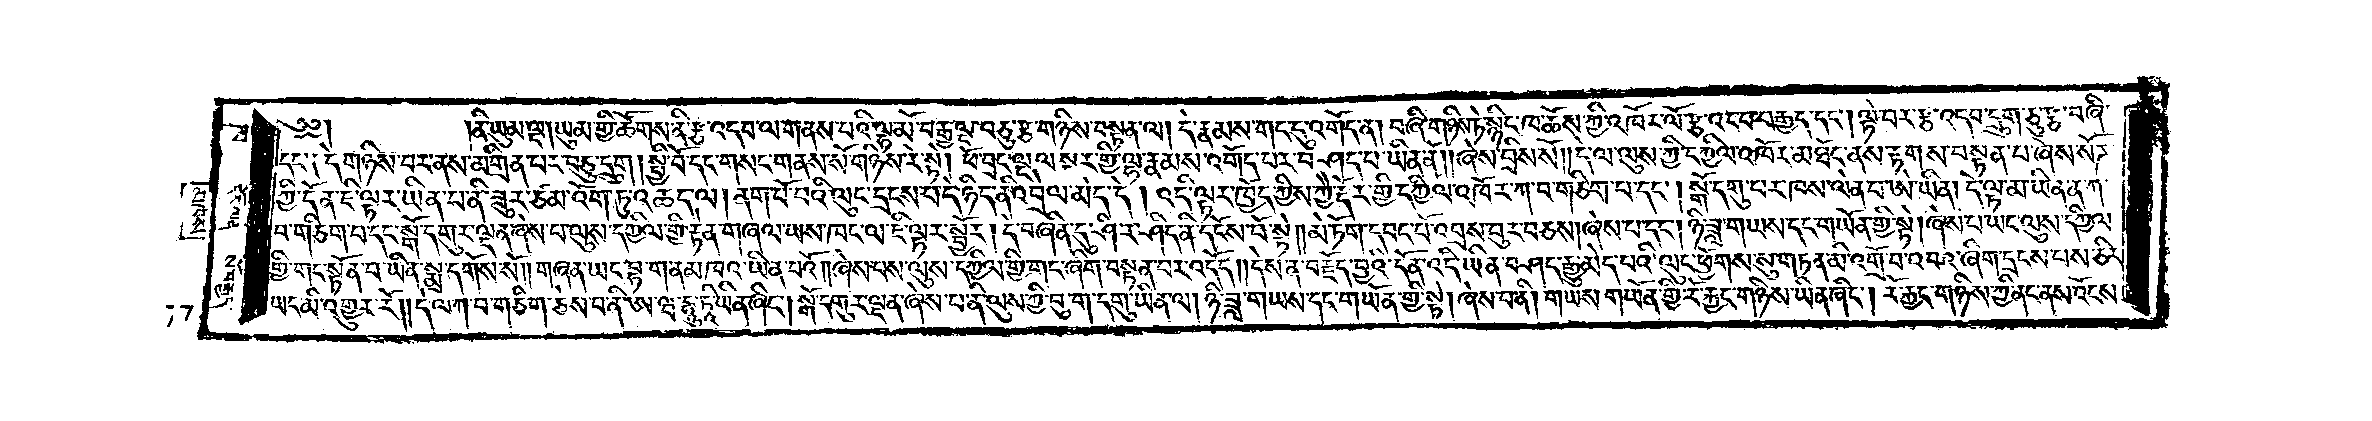༄༅། །ནི་ཡུམ་ལྔ། ཡུམ་གྱི་ཚོགས་ནི་རྩ་འདབ་ལ་གནས་པའི་ལྷ་མོ་བརྒྱ་ལྔ་བཅུ་རྩ་གཉིས་བསྟན་ལ། དེ་རྣམས་གང་དུ་འགོད་ན། བཞི་གཉིས་ཏེ་སྙིང་ཁ་ཆོས་ཀྱི་འཁོར་ལོ་རྩ་འདབ་བརྒྱད་དང་། ལྟེ་བར་རྩ་འདབ་དྲུག་ཅུ་རྩ་བཞི་
དང༑ དེ་གཉིས་པར་ནས་མགྲིན་པར་བཅུ་དྲུག །སྤྱི་བོ་དང་གསང་གནས་སོ་གཉིས་རེ་སྟེ། ཕོ་བྲང་ལྔ་ལ་སྔར་གྱི་ལྷ་རྣམས་འགོད་པར་བཤད་པ་ཡིན་ནོ། །ཞེས་བྲིས་སོ། །དེ་ལ་ལུས་ཀྱི་དཀྱིལ་འཁོར་མཐོང་ནས་རྟགས་བསྟན་པ་ཞེས་སོགས་
ཀྱི་དོན་ཇི་ལྟར་ཡིན་པ་ནི་ཟུར་ཙམ་འོག་ཏུ་འཆད་ལ། ནག་པོ་བའི་ལུང་དྲངས་པ་དེ་ཉིད་ནི་འབྲེལ་མེད་དེ། འདི་ལྟར་ཁྱོད་ཀྱིས་ཀྱཻ་རྡོར་གྱི་དཀྱིལ་འཁོར་ཀ་བ་གཅིག་པ་དང་། སྒོ་དགུ་པར་ཁས་ལེན་པ་ཨེ་ཡིན། དེ་ལྟ་མ་ཡིན་ན་ཀ་
བ་གཅིག་པ་དང་སྒོ་དགུར་ལྡན་ཞེས་པ་ལུས་དཀྱིལ་གྱི་རྟེན་གཞལ་ཡས་ཁང་ཇི་ལྟར་སྦྱོར། དེ་བཞིན་དུ་ཤི་ར་ཤིད་ནི་དངོས་པོ་སྟེ། །མེ་ཏོག་དབང་པོ་འབྲས་བུར་བཅས། ཞེས་པ་དང་། ཉི་ཟླ་གཡས་དང་གཡོན་གྱི་སྟེ། ཞེས་པ་ཡང་ལུས་དཀྱིལ་
གྱི་གང་སྟོན་པ་ཡིན་སྨྲ་དགོས་སོ། །གཞན་ཡང་བྷ་ག་ནམ་མཁའ་ཡིན་པའོ། །ཞེས་པས་ལུས་དཀྱིལ་གྱི་གང་ཞིག་བསྟན་པར་འདོད། །དེས་ན་བརྗོད་བྱའི་དོན་འདི་ཡིན་བཤད་རྒྱུ་མེད་པའི་ལུང་ཕྱོགས་སུ་གཏན་མི་འགྲོ་བ་འབའ་ཞིག་དྲངས་པས་ཅིར་
ཡང་མི་འགྱུར་རོ། །དེ་ལ་ཀ་བ་གཅིག་ཅེས་པ་ནི་ཨ་ཝ་དྷཱུ་ཏཱི་ཡིན་ཞིང་། སྒོ་དགུར་ལྡན་ཞེས་པ་ནི་ལུས་ཀྱི་བུ་ག་དགུ་ཡིན་ལ། ཉི་ཟླ་གཡས་དང་གཡོན་གྱི་སྟེ། ཞེས་པ་ནི། གཡས་གཡོན་གྱི་རོ་རྐྱང་གཉིས་ཡིན་ཞིང་། རོ་རྐྱང་གཉིས་ཀྱི་ནང་ནས་འོངས་